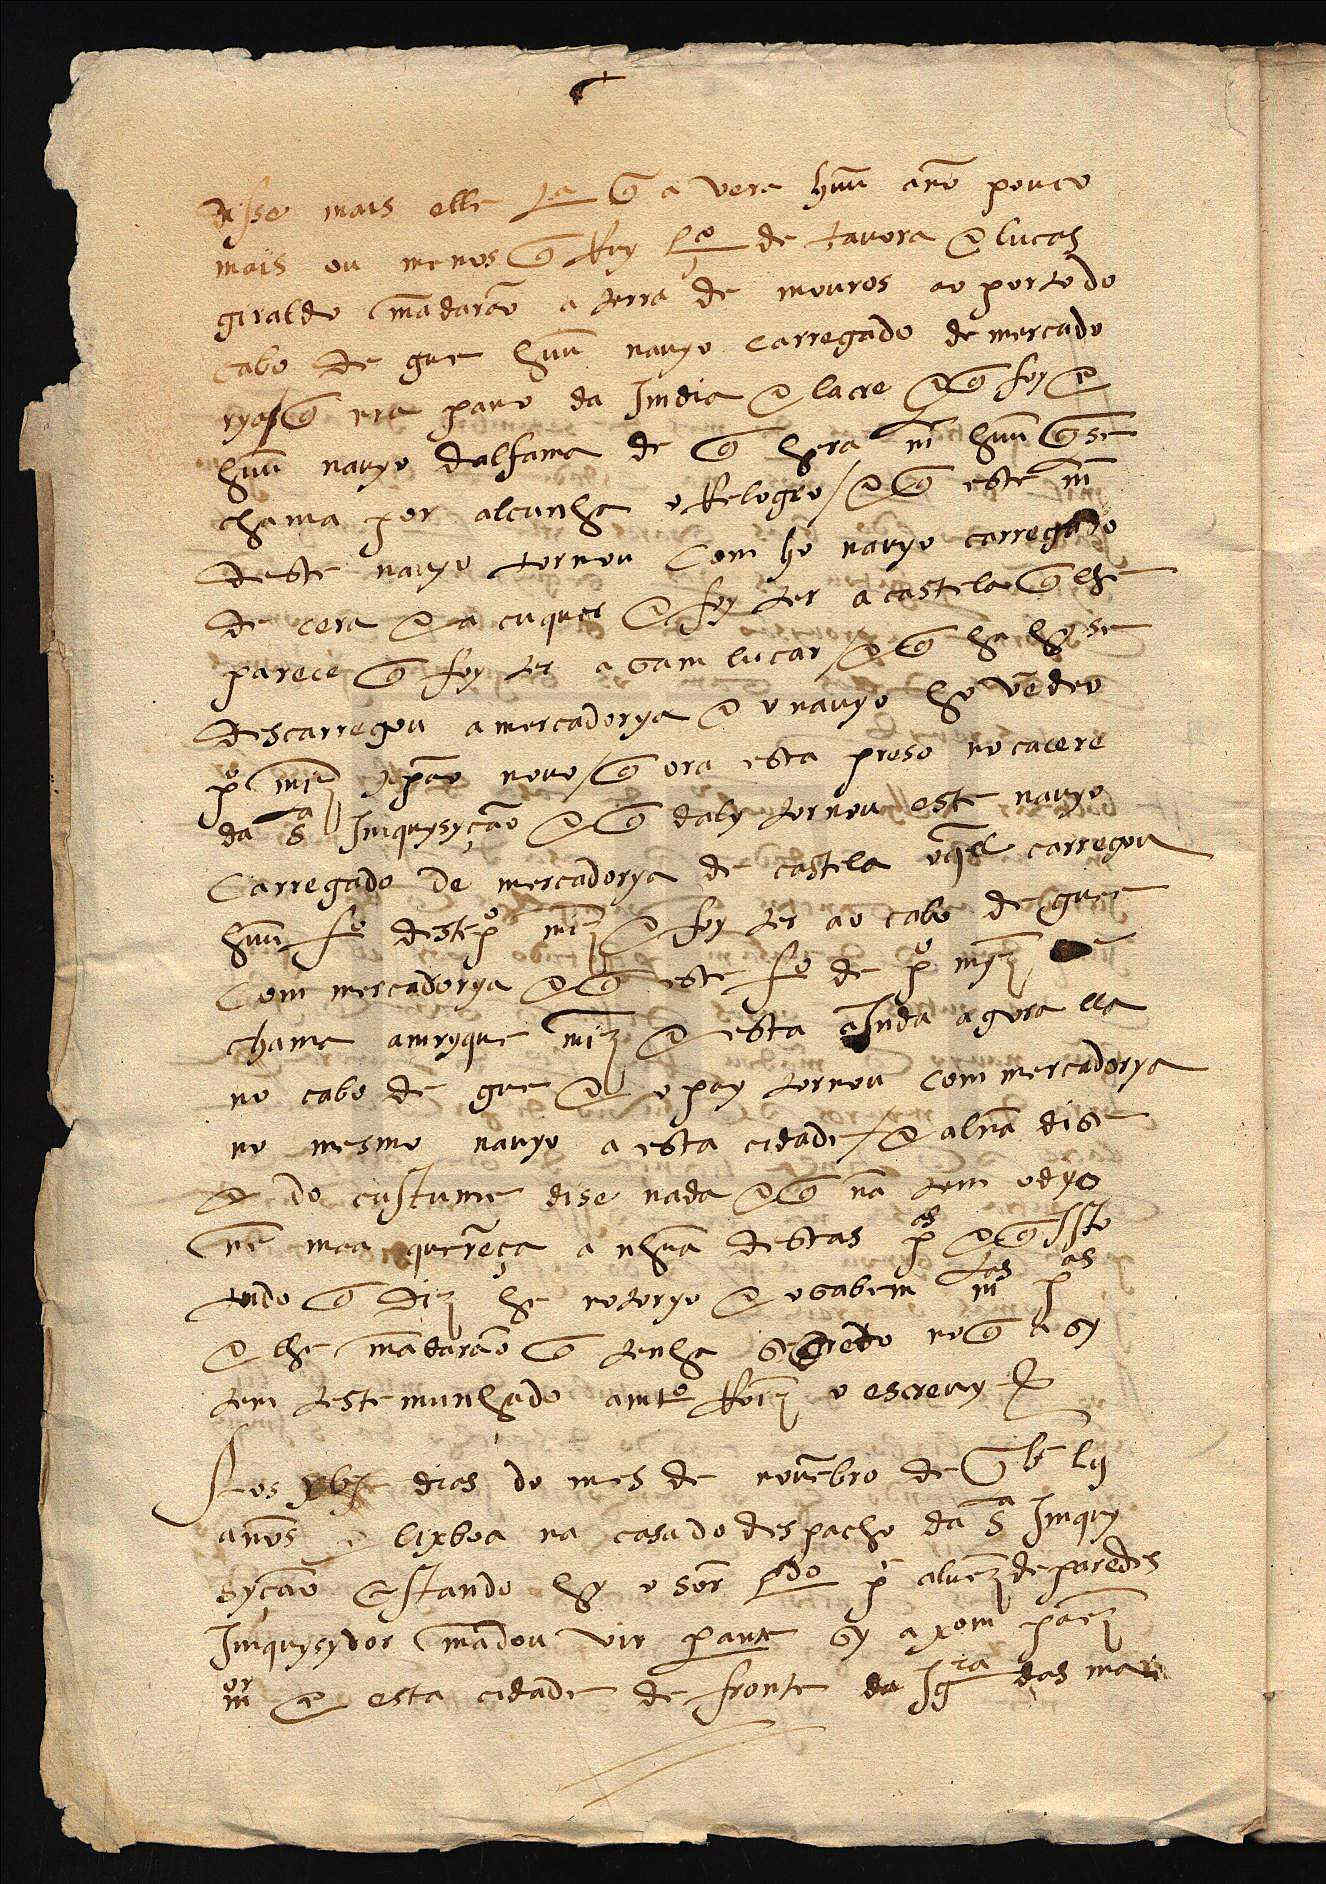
disse mais elle ta q̅ avera hu̅u an̅o pouco
mais ou menos q̅ Ruy Lço de tauora e lucas
giraldo m̅adarão a terra de mouros ao porto do
cabo de gue hu̅u nauyo carregado de mercado
rya q̅ era pano da Jmdia e lacre e q̅ foy e̅
hu̅u nauyo dalfama de q̅ hera mte hu̅u q̅ se
chama por alcunha o Relogeo / e q̄ este mte
deste nauyo tornou com ho nauyo carregado
de cera e acuquer e foy ter a castela q̅ lhe
parece q̅ foy ter a sam lucar / e q̅ ha hy se
descarregou a mercadorya e o nauyo ho ve̅deo
po m̅iz xpão nouo / q̅ ora esta preso no cacere
da sta Jmquysyç̅ao e q̅ daly tornou este nauyo
Carregado de mercadorya de castela o q̅ll carregou
hu̅u fo deste po m̅iz e foy ter ao cabo de guee
com mercadorya e q̅ este fo de po m̅yz se
chama amryque m̅iz e esta aJnda agora lla
no cabo de gue e o pay tornou com mercadorya
no mesmo nauyo a esta cidade / e al n̅a dise
e do custume dise nada e q̅ n̅a tem odyo
nē maa querēça a nhūa destas pas e q̅ Jsto
tudo q̅ diz he notoryo e o sabem mtas pas
e lhe m̅adara̅o q̅ tenha segredo no q̅ asy
tem testemunhado amto Roīz o escreuy
Aos xbj dias do mes de nou̅ebro de Ibc lij
an̅os e̅ lixboa na casa do despacho da Sta Jmquy
syção Estando hy o so̅r Ldo pe alu̅ez de paredes
Jmquysydor m̅adou vir ꝑante sy a xom pa̅ez
mor e̅ esta cidade defronte da Jgra das ma
